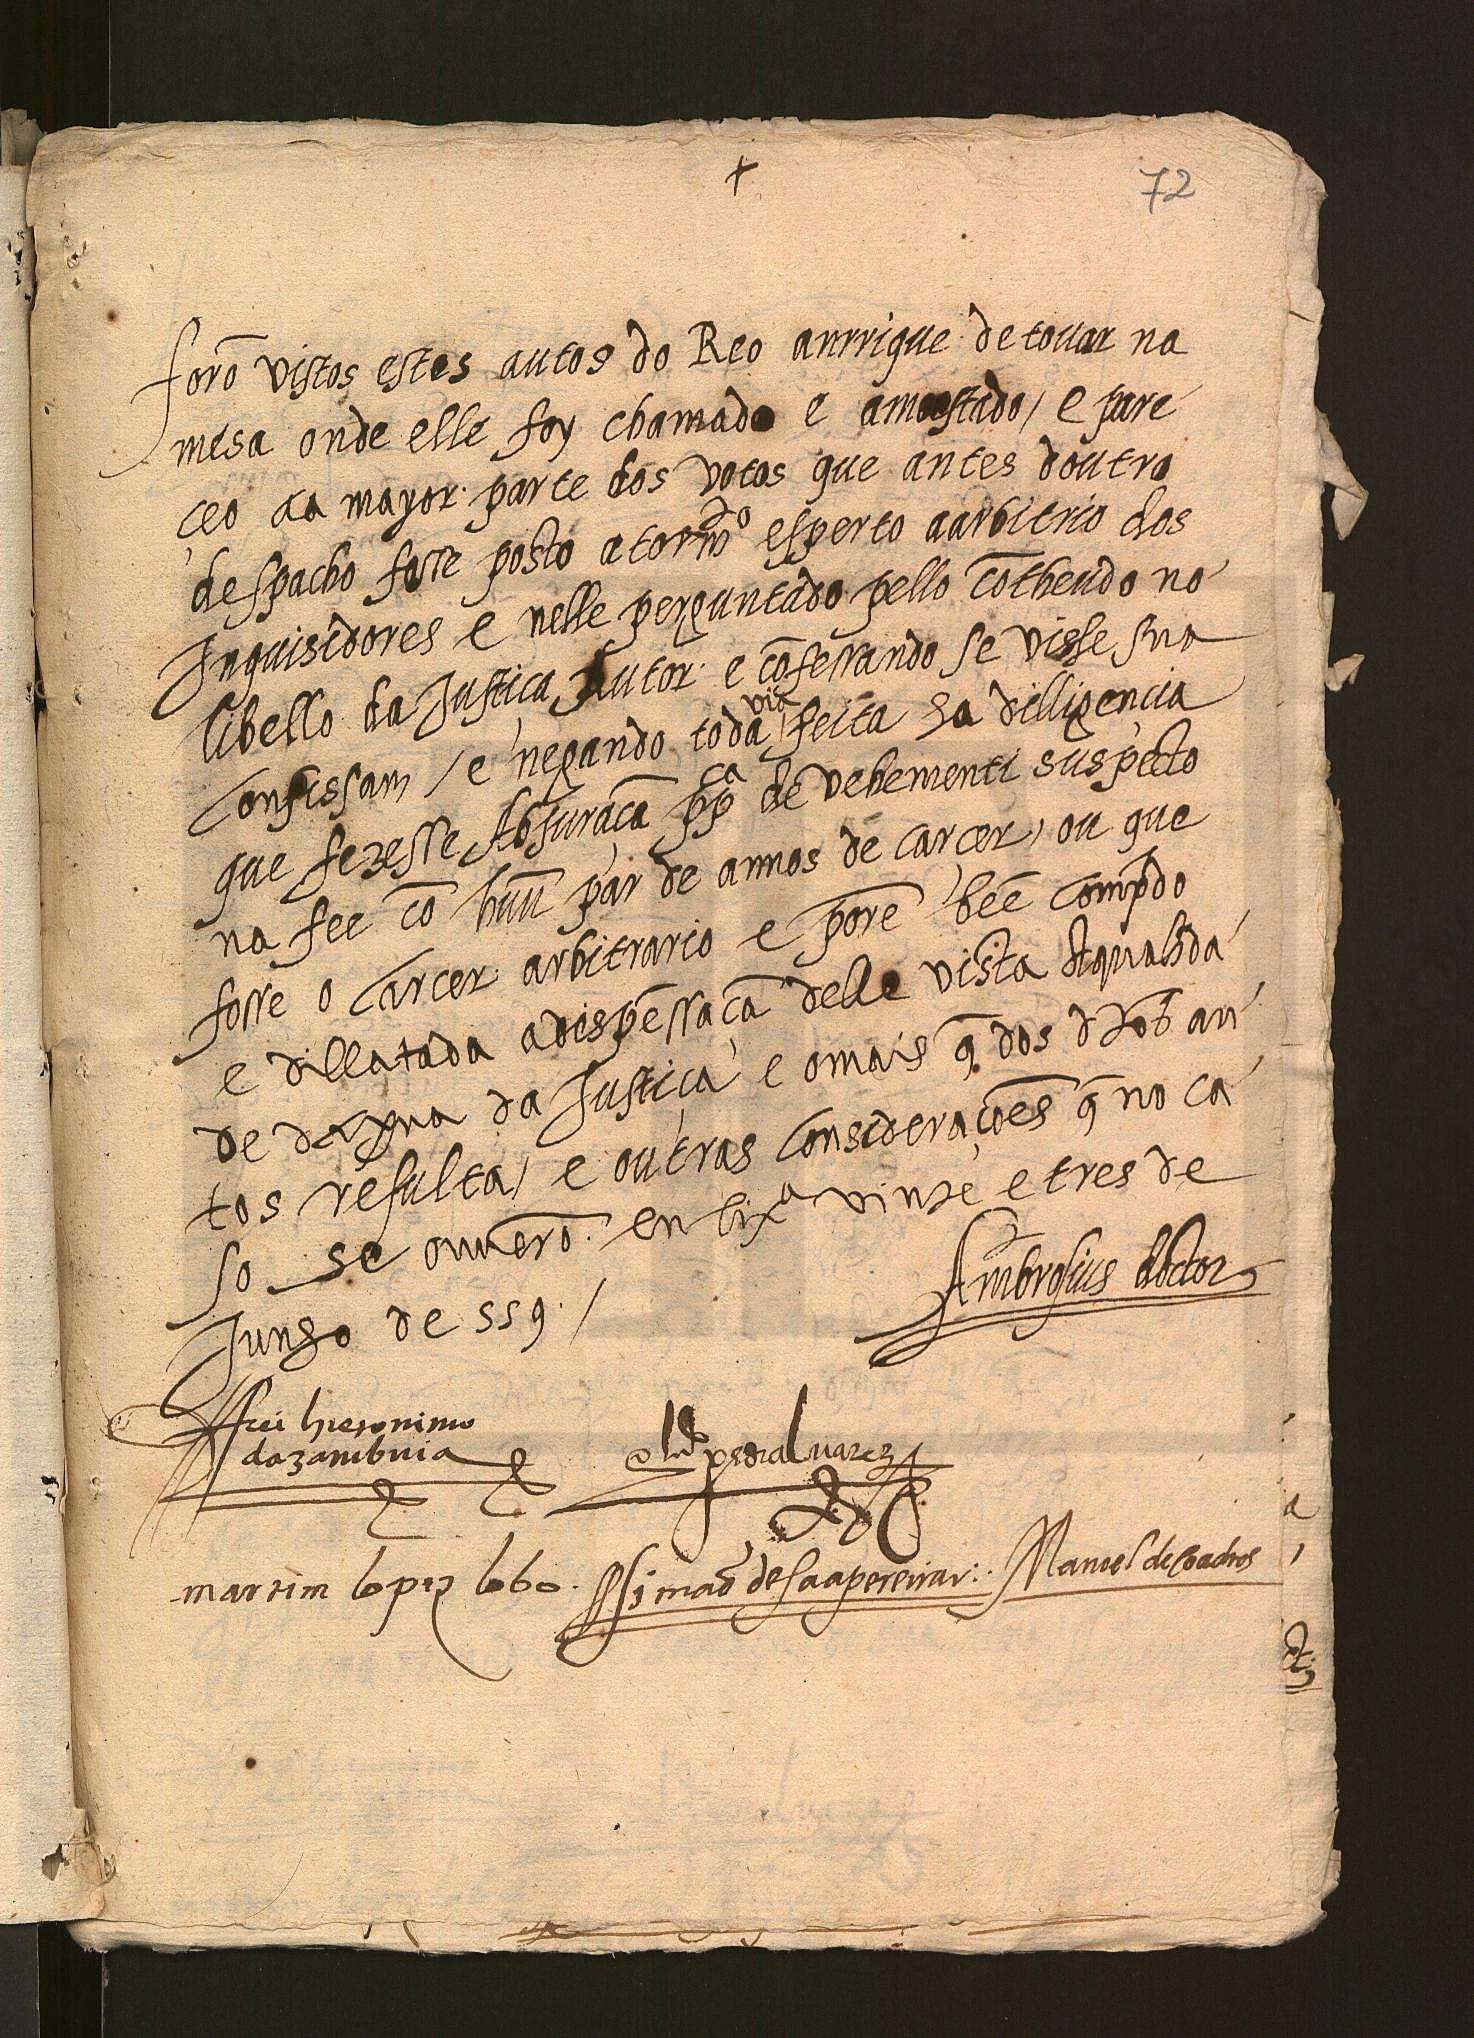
For̅o vistos estes autos do Reo anrrique de touar na
mesa onde elle foy chamado e amoestado / e pare
çeo aa mayor parte dos votos que antes doutro
despacho fosse posto a tormto esperto a arbitrio dos
Jnquisidores e nelle perguntado pello c̅otheudo no
libello da Justiça Autor e c̅ofessando se visse sua
Confissam / e negando todavia / feita ha dilligençia
que fezesse Abjuraç̅a ppca de vehementi suspecto
na fee c̅o hu̅u par de annos de carçer/ ou que
fosse o Carcer arbitrario e p̅ore bee̅ comp̄ido
e dillatada a dispe̅ssaç̄a delle vista A qualida
de da ꝓua da Justiça e o mais q̅ dos dto̅s au
tos resulta / e outras Considerações q̅ no ca
so se ouue̅ro en lixa vinte e tres de
Junho de 559 /
